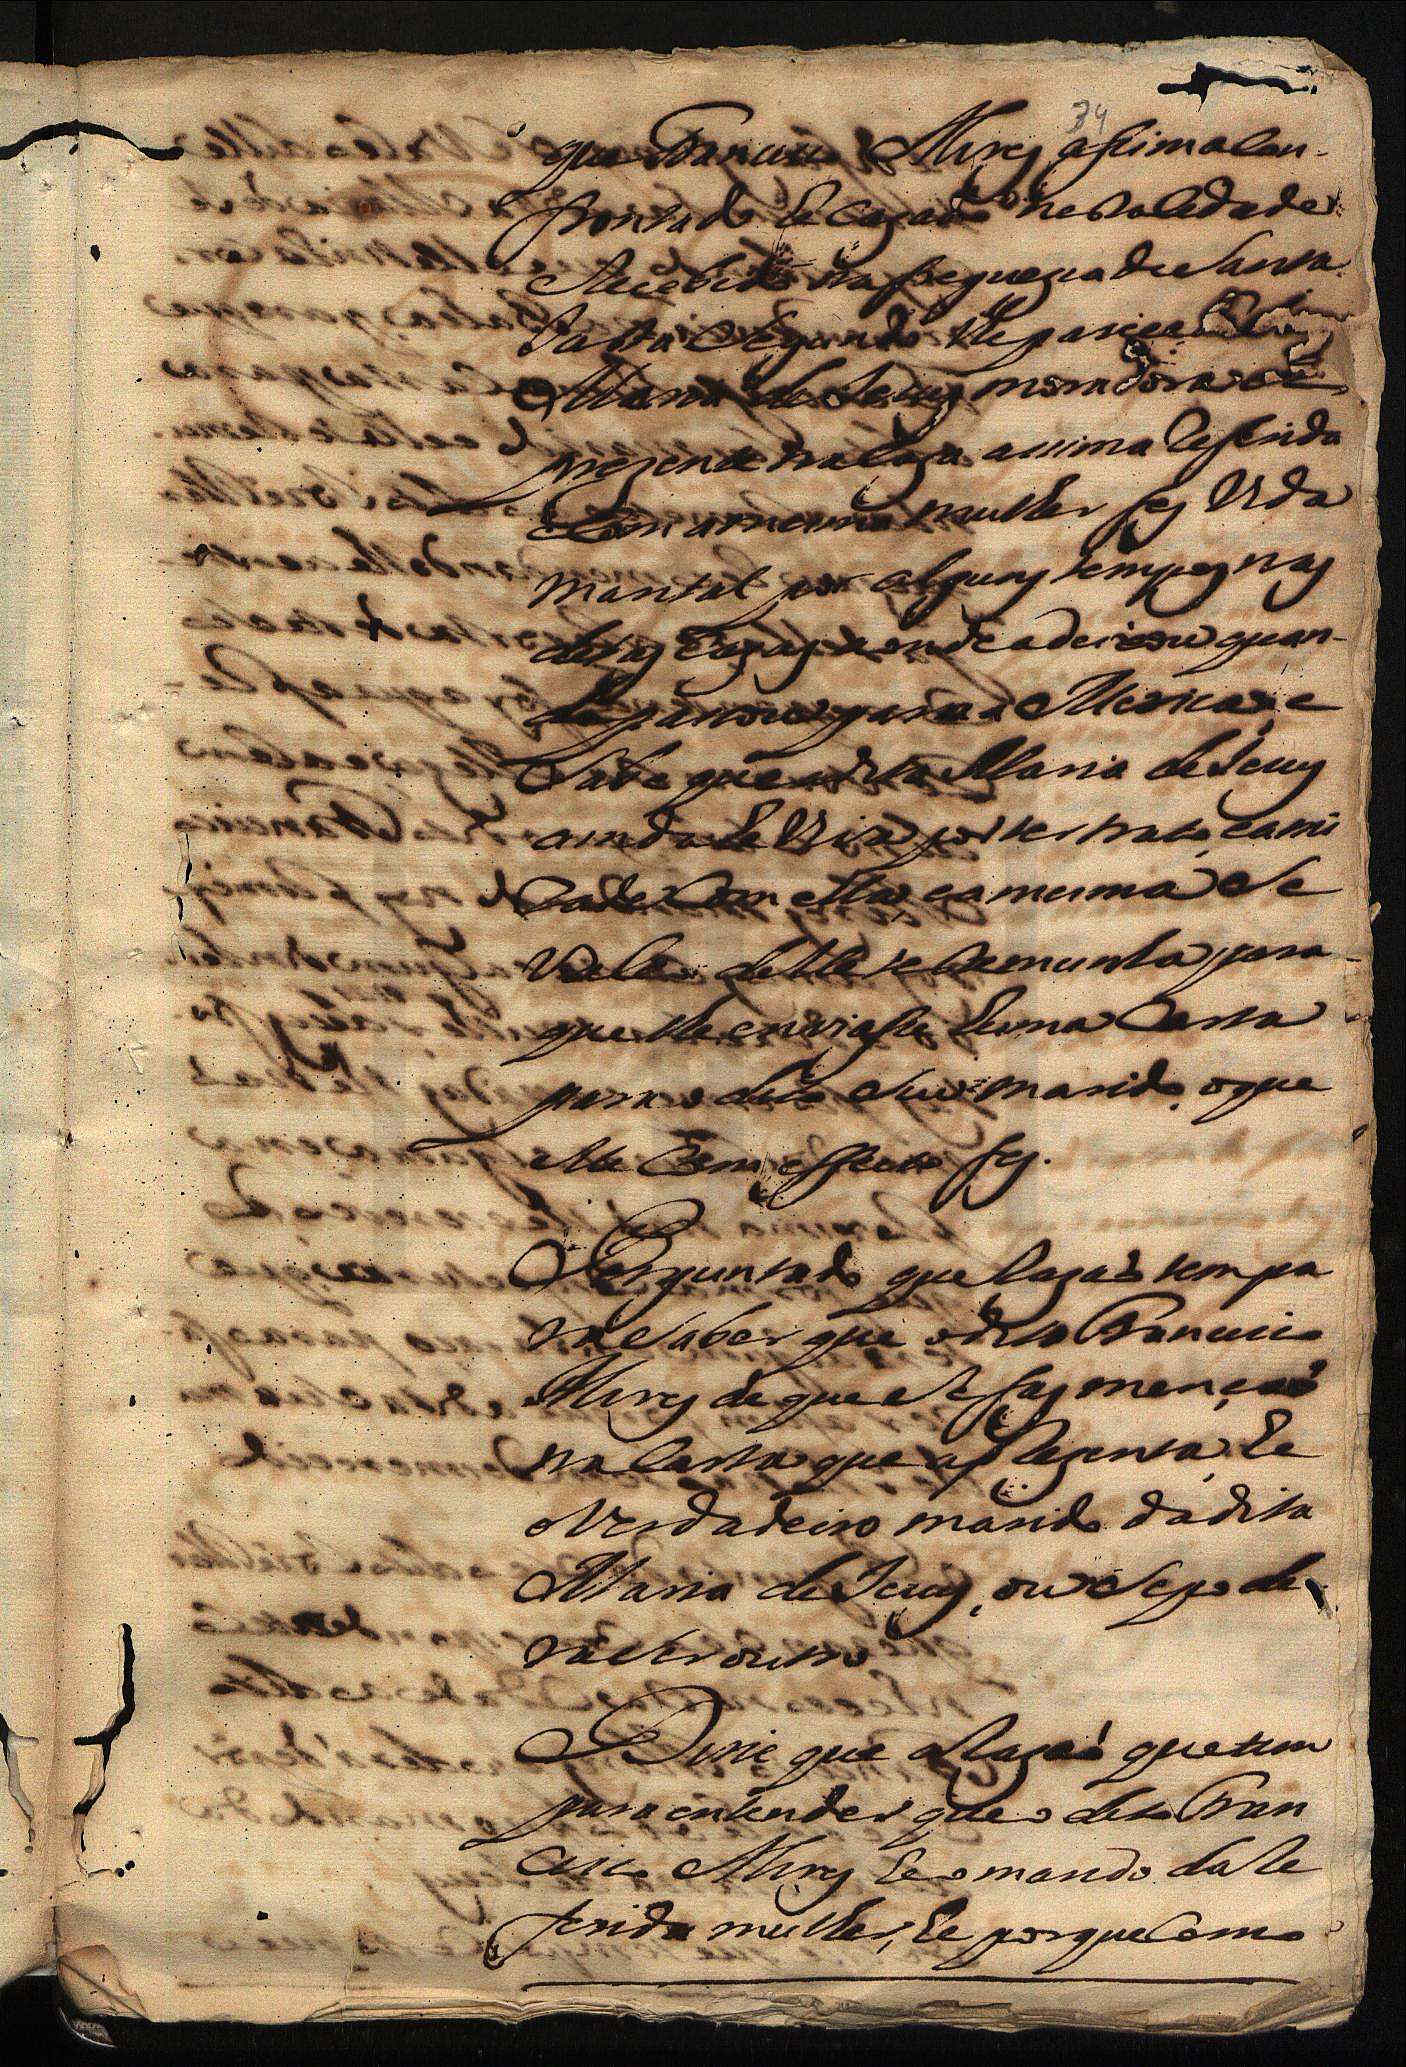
que Francisco Alvres assima con
frontado he cazado nesta cidade
e Recebido na freguezia de Santa
Iusta Segundo lhe pasce
Maria de Iesus moradora
prezente na caza assima Referida
E com a mesma mulher fes Vida
marital p
zas donde a deixou quan
do passou para aMerica, e
Sabe que a dita Maria de Iesus
ainda he Viva por ter trato, e ami
zade com ella, e a mesma Se
Valeo delle testemunha para
que lhe enviasse huma carta
para o dito seu marido o que
elle com effeito fes.
Perguntado que Razaõ tem pa
ra Saber que o dito Francisco
Alvres de que Se fas mençaõ
na carta que aprezenta, he
o verdadeiro marido da dita
Maria de Iesus, ou se pode
ra ser outro
Disse que a Razaõ que tem
para entender que o dito Fran
cisco Alvres he o marido da Re
ferida mulher, he porque como
